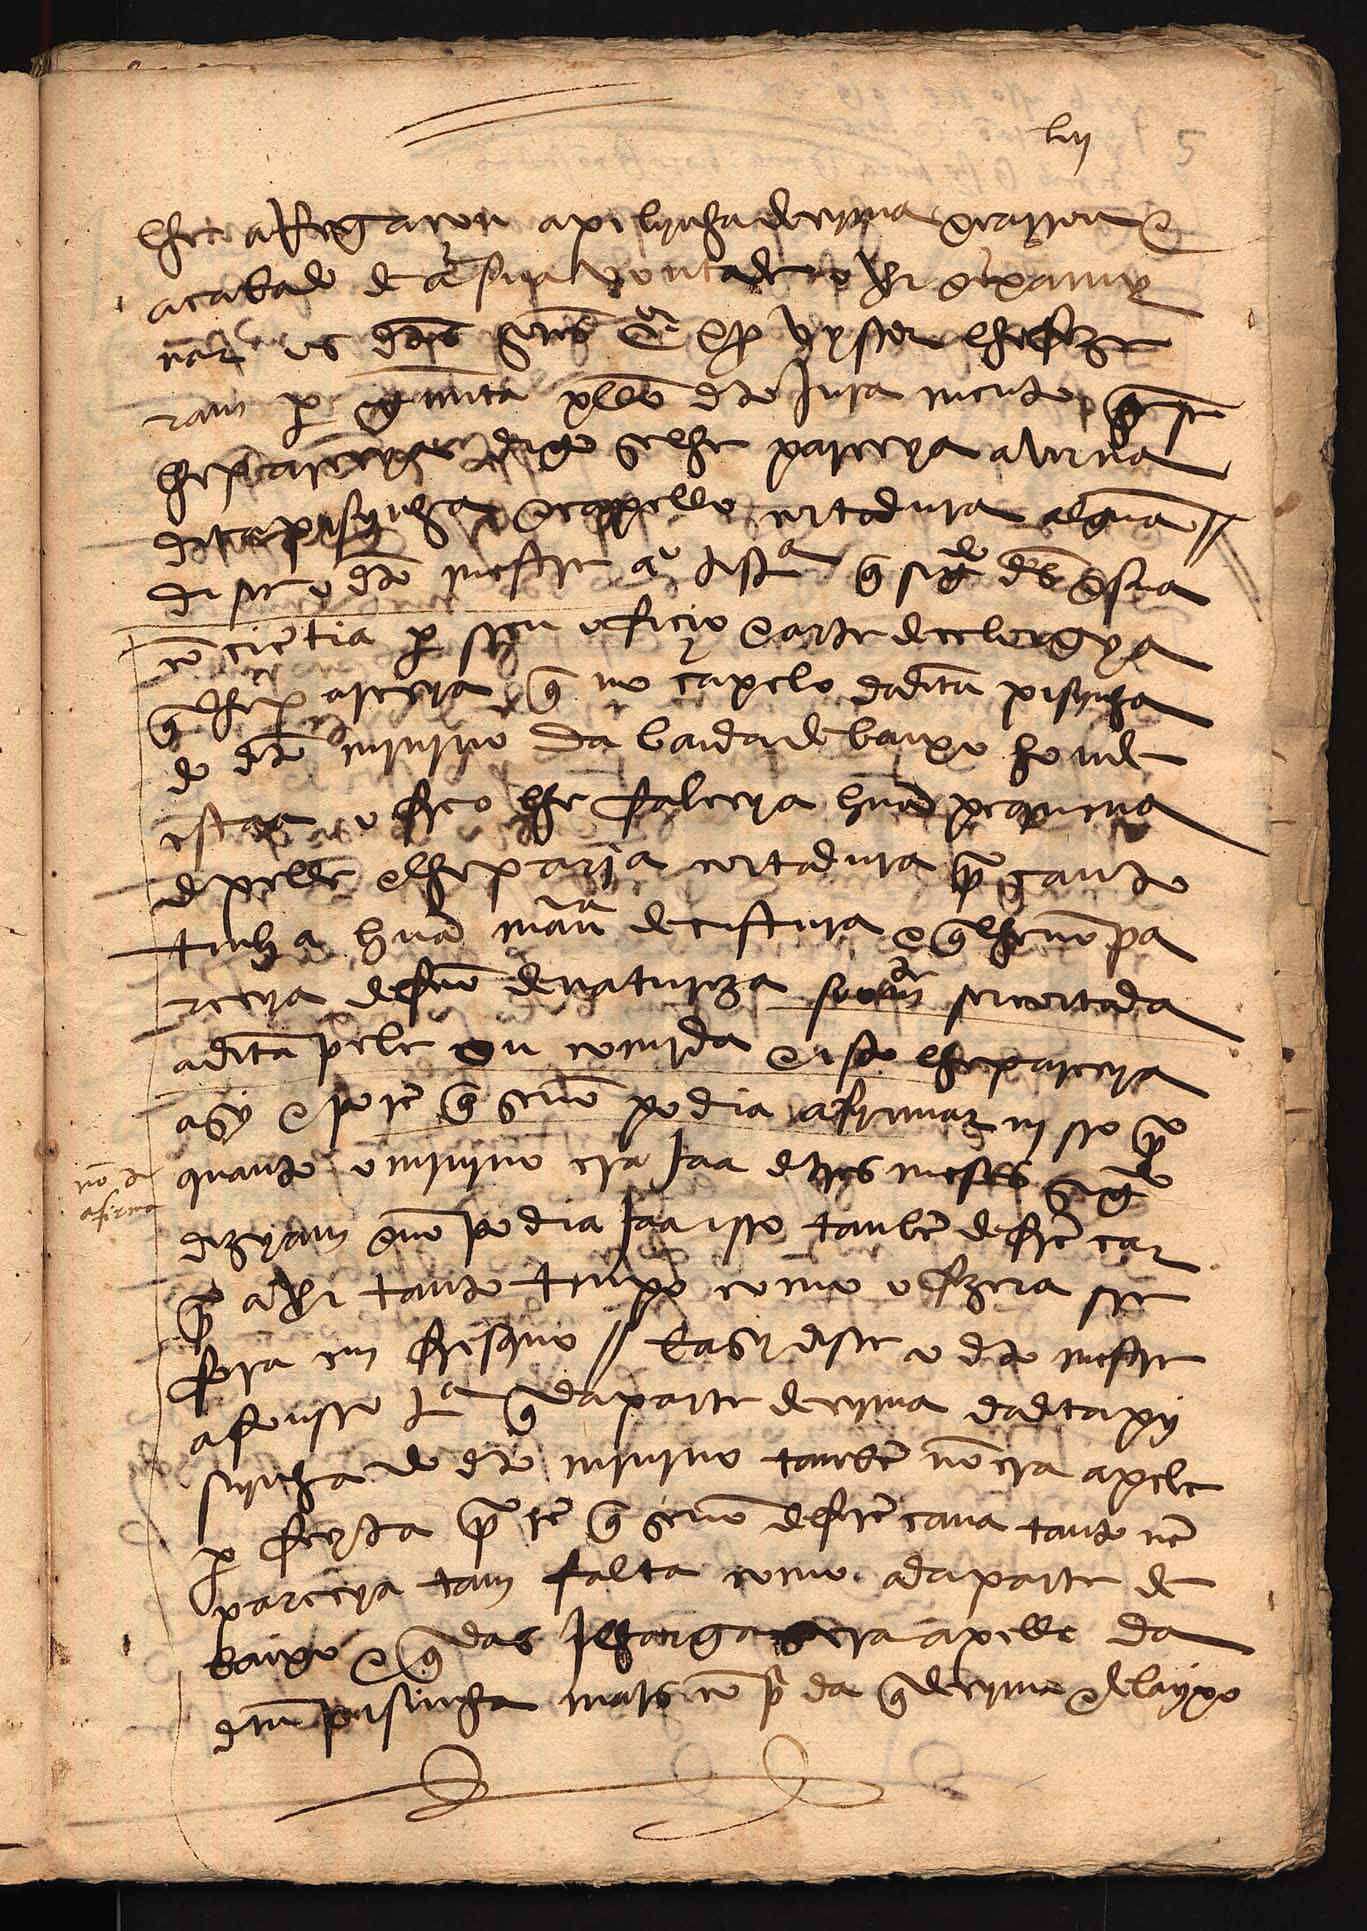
Lij
lhe aRegaçou a pelynha de cyma e çarrou e
acabado de a sua vontade ꝟr e examy
nar os dt̄os Sorẽs Cor e ꝓvyssor lhe feze
ram ꝑgunta p̄llo dto Juramento q̄ se
lhe parecya digo se lhe parecya aver na
dita pisynha e capello cortadura alḡua //
dise o dt̄o mestre ao testa q̄ segdo d̄s e sua
c̄ociētia ꝑ sseu ofiçio e arte de celorgya
q̄ lhe parecya q̄ no capelo da dita pisynha
do dito mjnjno da banda de baixo honde
estaa o freo lhe falecya huā pequena
de pelle e lhe parja cortadura p̄oq̄anto
tinha huā manra de custura e q̄ lhe nō pa
recya defc̄o de natureza soomte ser cortada
a dita pele ou comjda e isto lhe parecya
asy e porē q̄ se nō podia afyrmar njsso p̄o
quanto o mjnjno era Jaa de tres meses segdo
nō se
afirma
dizyam e n̄o podia Jaa isso tanbē defrēcar
p̄o aꝟr tanto tenpo como o fezera sse
fora em fresquo // E asy disse o dto mestre
afonsso ta q̄ da parte de cyma da dita py
synha do dto mjnjno tanbē nō era a pele
ꝑfeyta p̄orē q̄ se nō defrēcaua tanto nē
parecya tam falta como a da parte de
baixo e q̄ das Jlhargas era a pelle da
dt̄a pysynha majs c̄opida q̄ de cyma e de bayxo
